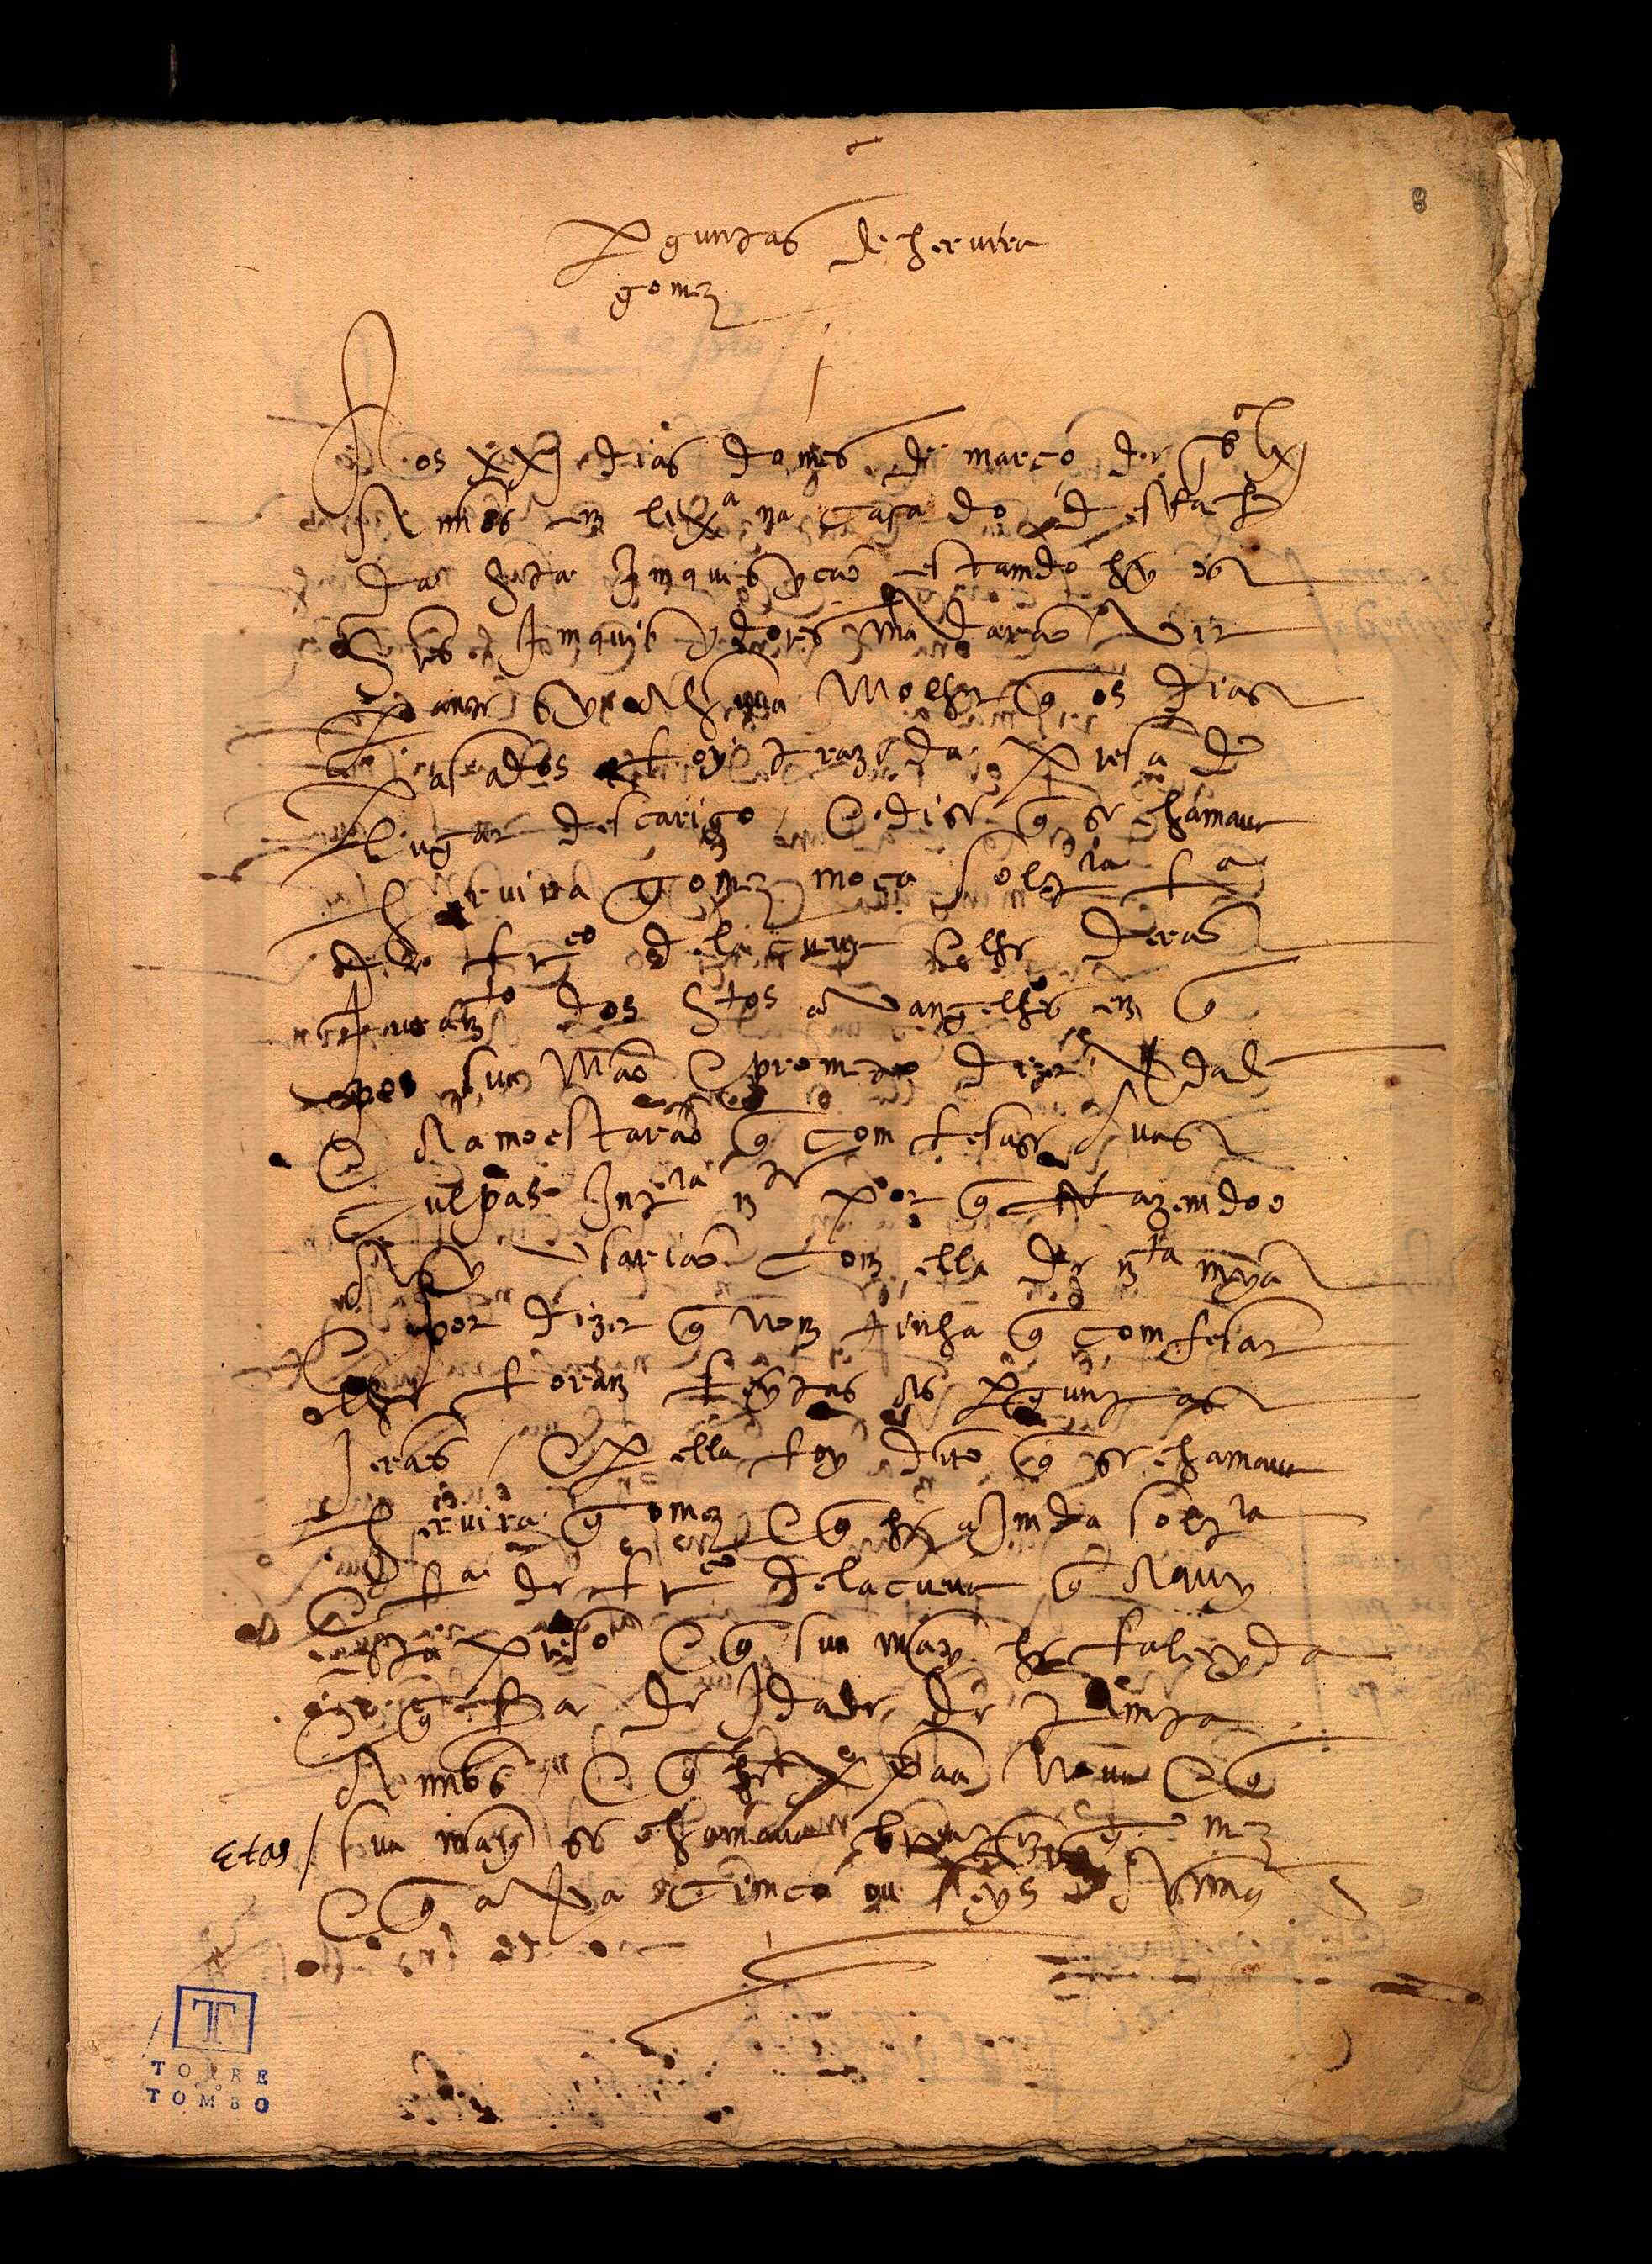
ꝑguntas de heruira
gomez
Aos XXJ dias do mes de março de j̄bclxj
Annos em lixa na casa do despacho
da sāta Jmquisyçaõ estamdo hy os
Srēs Jmquisydores mādaraõ Vir
ꝑante sy a hūua molher q̄ os dias
pasados foy trazida presa do
lugar descarigo / e dise q̄ se chamaua
heruira gomez moca soltra fa
de frco de la cueua e lhe deraõ
Juramto dos Stos avangelhos em q̄
pos sua maõ e prometeo dizer ꝟdade
e A amoestaraõ q̄ comfesase suas
Culpas Jntramte porq̄ ffazemdoo
Asy vsariaõ Com ella de mta myā
e por dizer q̄ nom tinha q̄ comfesar
lhe foram feytas As ꝑguntas
Jerāes / e ꝑ ella foy dīto q̄ se chamaua
heruira gomez e q̄ he aJmda soltra
e fa de frco de la cueua q̄ Aquy
esta preso e q̄ sua may he falecyda
e q̄ ꞩa de Jdade de trimta
Annos̄ e q̄ he Xpaā Noua e q̄
E tas / sua mãy se chamaua breatiz̄ gomez
e q̄ aꝟa cimco ou seys Annꝯ
